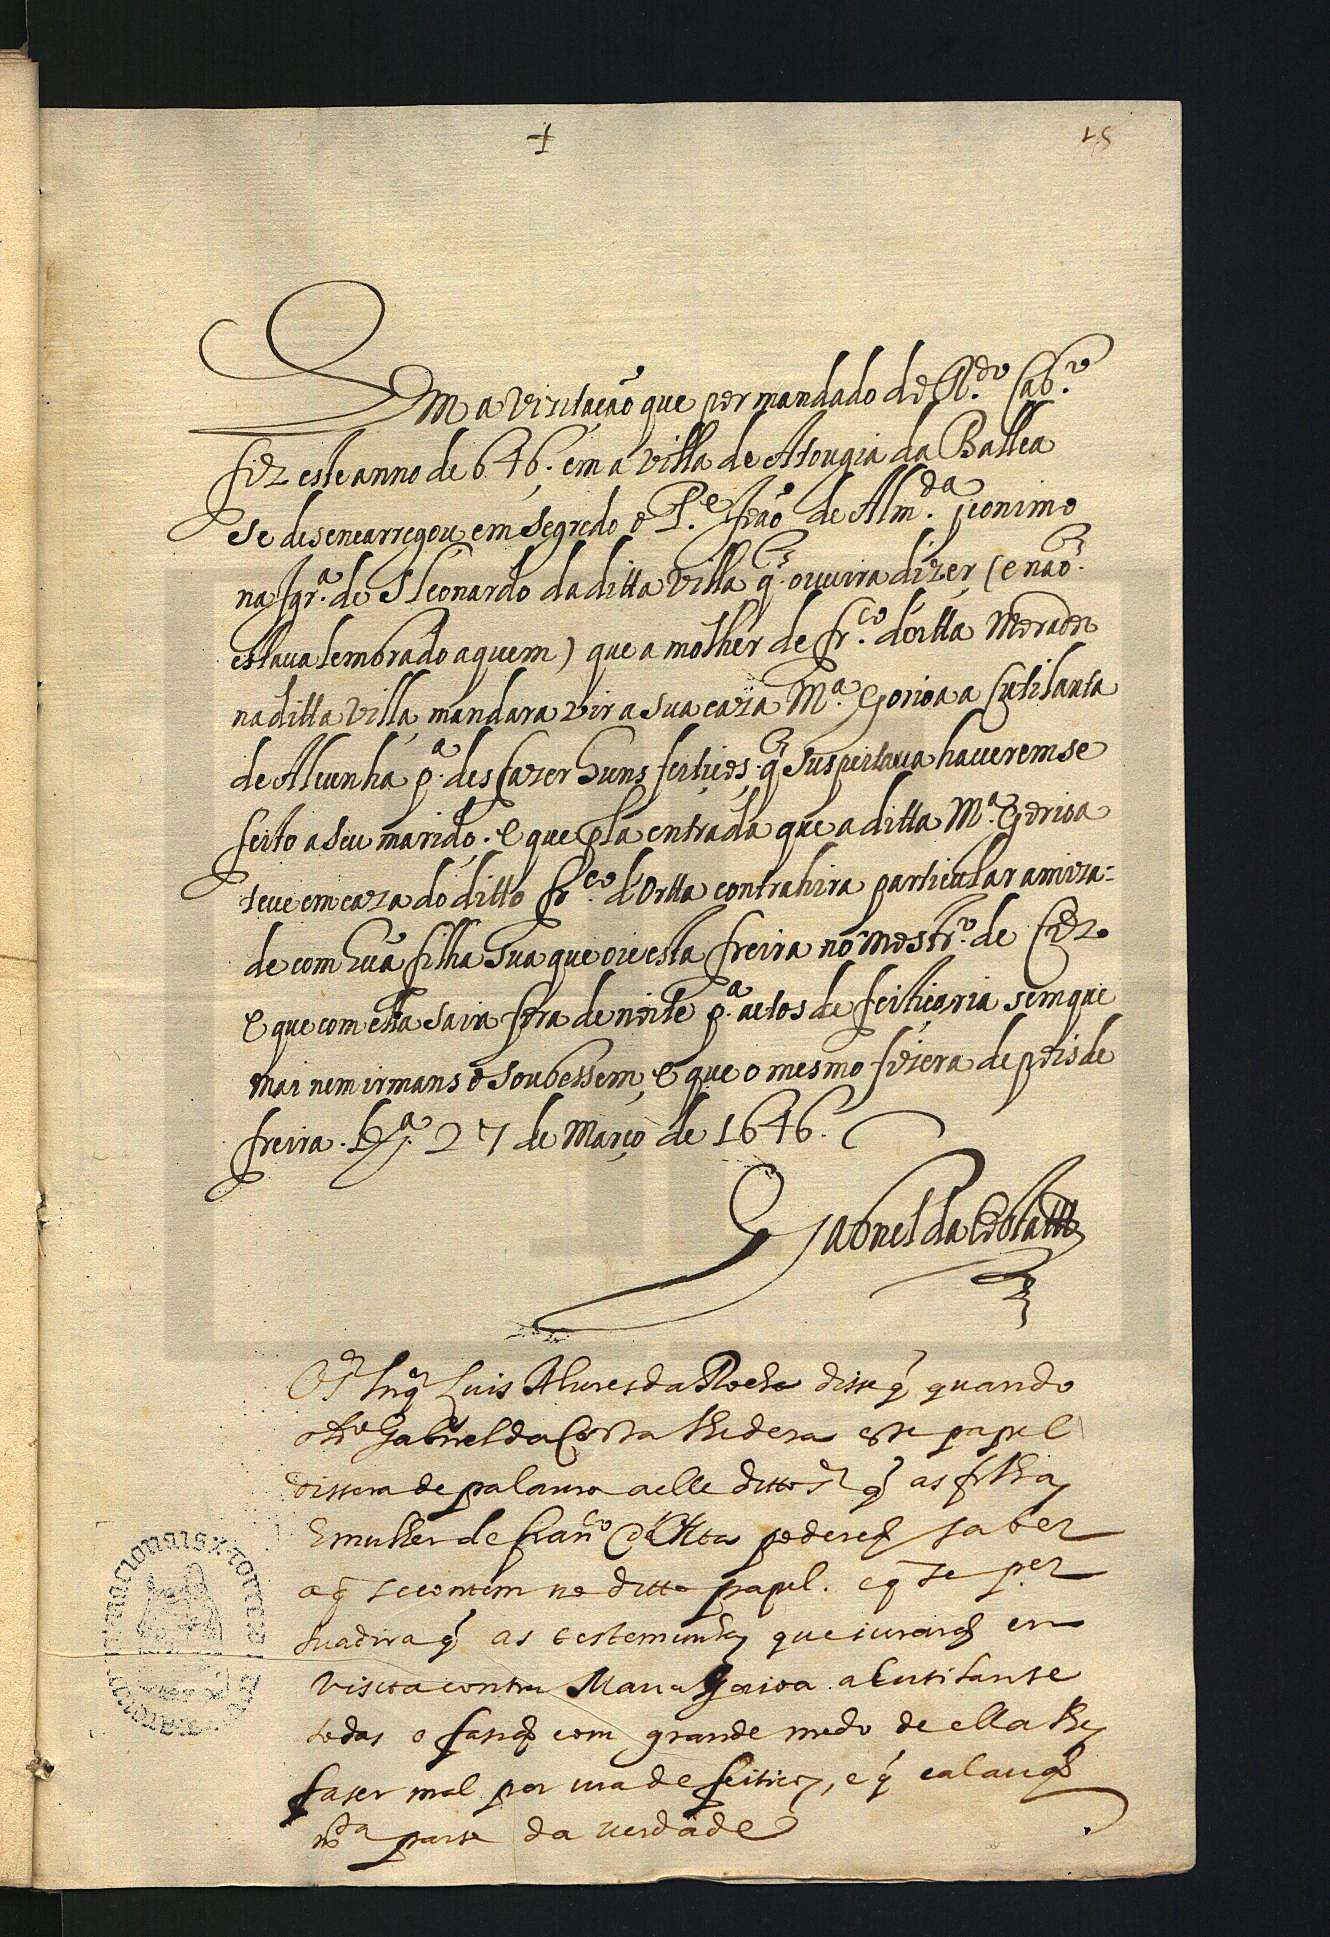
Em a vizitaçaõ que por mandado do R.do Cab.o
fiz este anno de 646; em a villa de Atougia da Ballea
se desencarregou em Segredo o P.e Joaõ de Alm.da jconimo
na Jgr.a de S Leonardo da ditta villa q̄ ouuira dizer, (e não
estaua lembrado a quem) que a molher de fr.co d'ortta morador
na ditta villa, mandara vir a sua caza M.a Gorioa a Cutilanta
de Alcunha p.a desfazer huns feitiços; q̄ suspeitaua hauerese
feito a seu marido; e que p̄la entrada que a ditta M.a Gorioa
teue em caza do ditto fr.co d'Ortta contrahira particular amiza
de com huā filha sua que oie esta freira no mostr.o de Coz
E que com ella saira fora de noite p.a actos de feitiçaria sem que
mai nem irmans o soubessem, e que o mesmo fizera depois de
freira. Lxa. 27 de Março de 1646.
Gabriel da Costa
O sor Inqor Luis Alures da Rocha disse q̄ quando
o ldo Gabriel da Costa lhe dera este papel
dissera de palaura a elle ditto sor q̄ as filhas
E mulher de franco d'Orta poderaõ saber
o q̄ se contem no ditto papel, e q̄ se per
suadira q̄ as testemunhas que iuraraõ em
visita contra Maria Gorioa a Cutitante
todas o fasiaõ com grande modo de ella lhes
faser mal por uia de feitiços, e q̄ calauaõ
mta parte da uerdade
